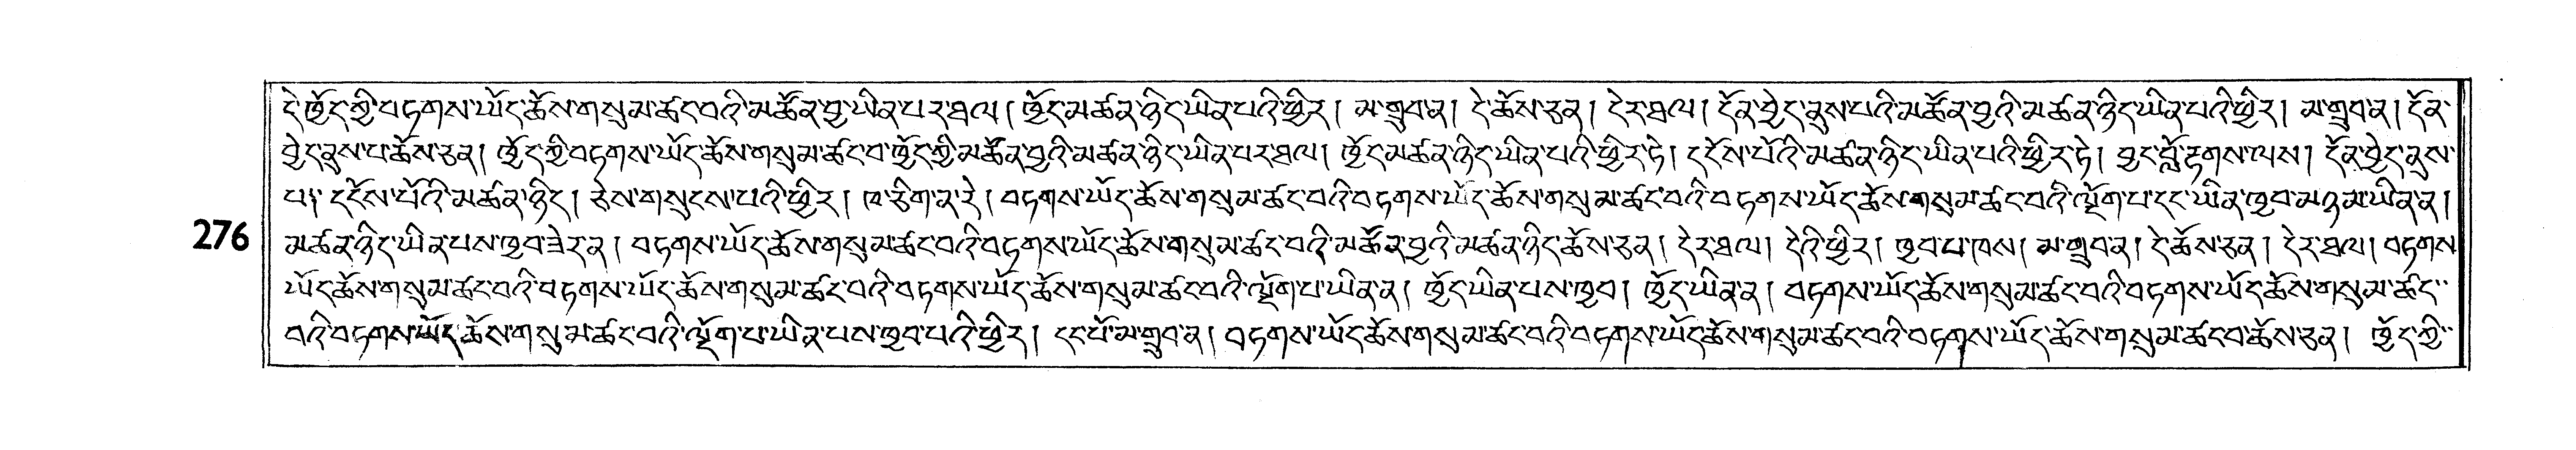དེ་ཁྱོད་ཀྱི་བཏགས་ཡོད་ཆོས་གསུམ་ཚང་བའི་མཚོན་བྱ་ཡིན་པར་ཐལ། ཁྱོད་མཚན་ཉིད་ཡིན་པའི་ཕྱིར། མ་གྲུབ་ན། དེ་ཆོས་ཅན། དེར་ཐལ། དོན་བྱེད་ནུས་པའི་མཚོན་བྱའི་མཚན་ཉིད་ཡིན་པའི་ཕྱིར། མ་གྲུབ་ན། དོན་
བྱེད་ནུས་པ་ཆོས་ཅན། ཁྱོད་ཀྱི་བཏགས་ཡོད་ཆོས་གསུམ་ཚང་བ་ཁྱོད་ཀྱི་མཚོན་བྱའི་མཚན་ཉིད་ཡིན་པར་ཐལ། ཁྱོད་མཚན་ཉིད་ཡིན་པའི་ཕྱིར་ཏེ། དངོས་པོའི་མཚན་ཉིད་ཡིན་པའི་ཕྱིར་ཏེ། བྱང་བློ་རྟགས་ལས། དོན་བྱེད་ནུས་
པ༑ དངོས་པོའི་མཚན་ཉིད། ཅེས་གསུངས་པའི་ཕྱིར། ཁ་ཅིག་ན་རེ། བཏགས་ཡོད་ཆོས་གསུམ་ཚང་བའི་བཏགས་ཡོད་ཆོས་གསུམ་ཚང་བའི་བཏགས་ཡོད་ཆོས་གསུམ་ཚང་བའི་ལྡོག་པ་དང་ཡིན་ཁྱབ་མཉམ་ཡིན་ན།
མཚན་ཉིད་ཡིན་པས་ཁྱབ་ཟེར་ན། བཏགས་ཡོད་ཆོས་གསུམ་ཚང་བའི་བཏགས་ཡོད་ཆོས་གསུམ་ཚང་བའི་མཚོན་བྱའི་མཚན་ཉིད་ཆོས་ཅན། དེར་ཐལ། དེའི་ཕྱིར། ཁྱབ་པ་ཁས། མ་གྲུབ་ན། དེ་ཆོས་ཅན། དེར་ཐལ། བཏགས་
ཡོད་ཆོས་གསུམ་ཚང་བའི་བཏགས་ཡོད་ཆོས་གསུམ་ཚང་བའི་བཏགས་ཡོད་ཆོས་གསུམ་ཚང་བའི་ལྡོག་པ་ཡིན་ན། ཁྱོད་ཡིན་པས་ཁྱབ། ཁྱོད་ཡིན་ན། བཏགས་ཡོད་ཆོས་གསུམ་ཚང་བའི་བཏགས་ཡོད་ཆོས་གསུམ་ཚང་
བའི་བཏགས་ཡོད་ཆོས་གསུམ་ཚང་བའི་ལྡོག་པ་ཡིན་པས་ཁྱབ་པའི་ཕྱིར། དང་པོ་མ་གྲུབ་ན། བཏགས་ཡོད་ཆོས་གསུམ་ཚང་བའི་བཏགས་ཡོད་ཆོས་གསུམ་ཚང་བའི་བཏགས་ཡོད་ཆོས་གསུམ་ཚང་བ་ཆོས་ཅན། ཁྱོད་ཀྱི་